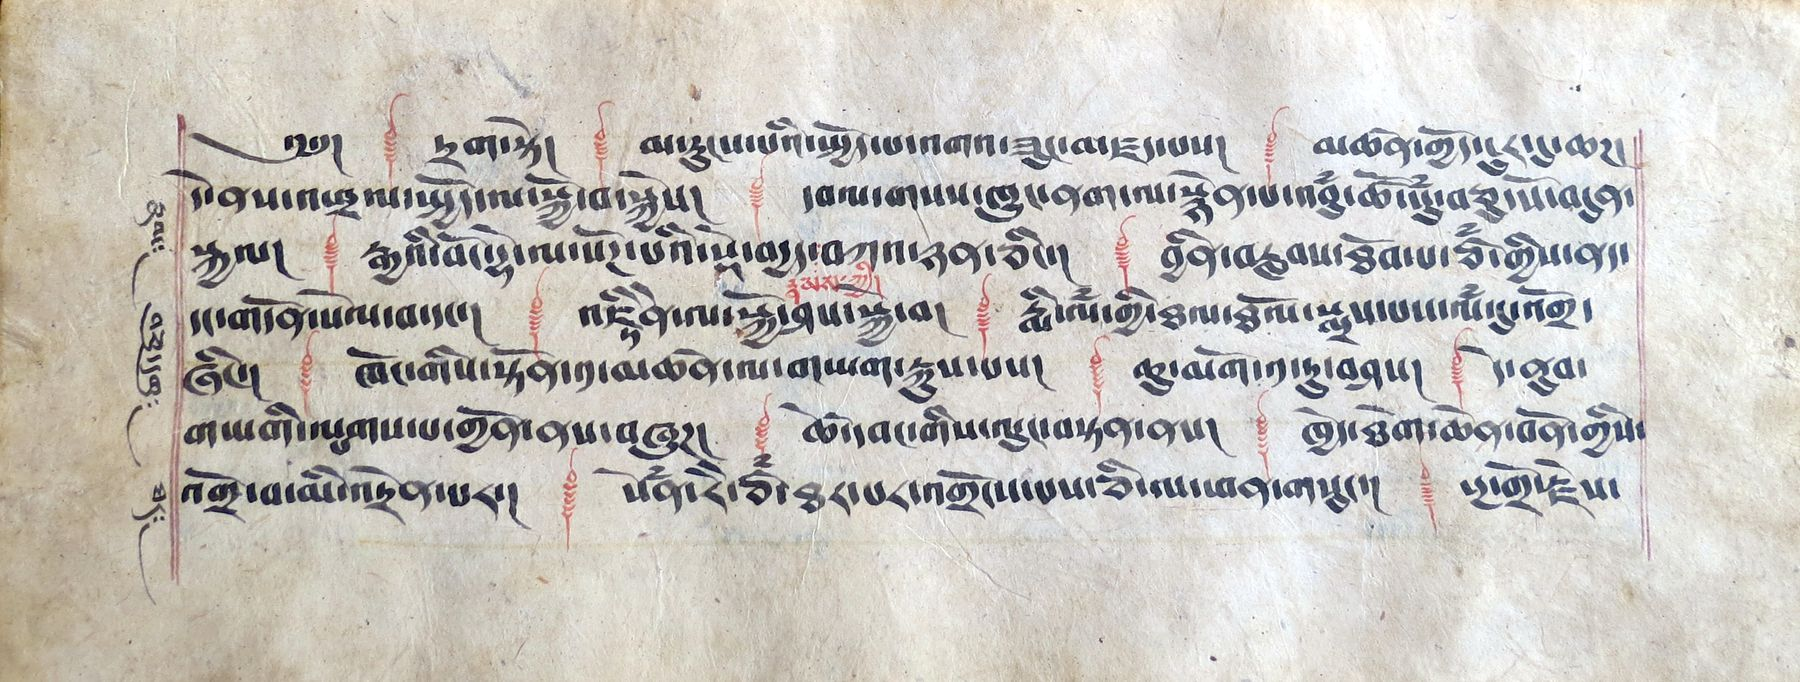དྲག་སྟེ། མ་རུང་བའི་སྤྱོད་པ་འགའ་ཟུང་མཛད་པས། མཚན་གྱོད་ངུར་དུ་ཆགས། 
དེ་ནས་འཕྲལ་སྤྱོད་ལ་སྐྱོ་བ་སྐྱེས། དབལ་གསས་ཁྱུང་ནག་ལ་བསྙེན་པ་འབུམ་ཚོ་སུམ་ཅུ་སོ་བདུན་
བསྐྱལ། རྒྱའི་བོང་དྲེལ་ལས་སོགས་པའི་སྡེ་བརྒྱད་རྣམས་ཀྱིས་བཀའ་ཉན་ཅིང་། བྱིན་རླབས་ཐོབ་པ་ཙམ་གྱིས་ནད་
དང་གདོན་སེལ་བ་དང་། འཇིག་རྟེན་ལ་སྐྱོ་ཤས་སྐྱེ་བ། རྨི་ལམ་ཐལ་ཐོལ་སྨྲས་པ་ལམ་དུ་འགྲོ་
ཞིང་། ཁོང་གིས་སྟོན་ཁ་ཞིག་མཚན་ལ་གཡག་བརྐུས་པས། ཆུ་འགོ་ཞིག་ཏུ་བཤས། དེ་ནུབ་
གཡག་གི་ལྤགས་པ་གྱོན་ནས་བཞུགས། ཚེ་དབང་གིས་ལུང་བསྟན་ནས། ཁྱོད་ཐེག་ཆེན་བོན་གྱིས་
འགྲོ་བ་མི་འདྲེན་པར། སེམས་ཅན་རེ་རེ་ཙམ་ཐར་པར་དྲོངས་པས་ཅི་ལ་ཕན་གསུངས། སྔ་དྲོ་རྗེས་